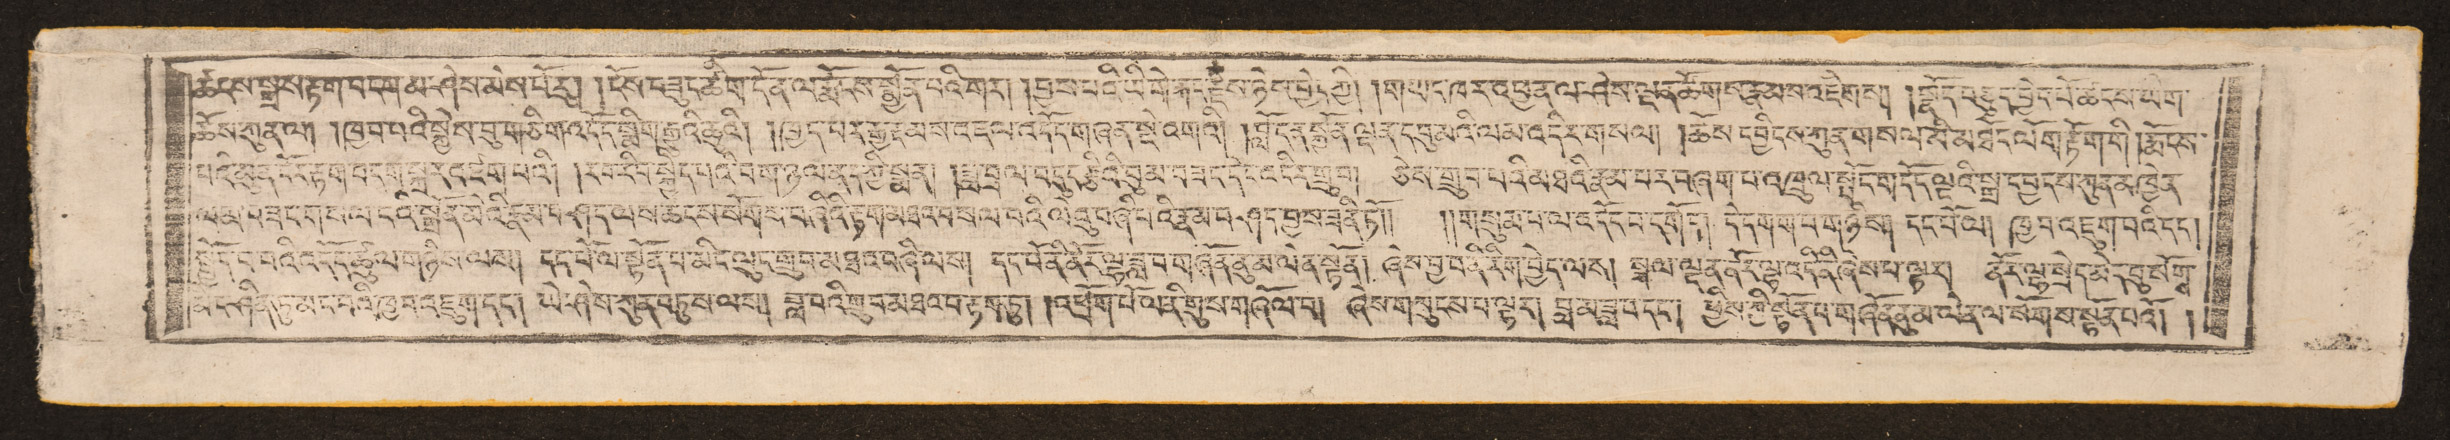ཚངས་སྒྲས་རྟག་བདག་མ་ཤེས་མེས་པོ་རུ། །ངོས་བཟུང་ཚིག་དོན་ལ་རྨོངས་སྨྱོན་པའི་གར། །བྱས་པའི་ཡི་གེ་རྐང་རྗེས་ཉེས་བྱེད་ཀྱི། །གཡང་ཁར་འཕྱན་ལ་ཤེས་ལྡན་ཚོགས་རྣམས་འཇིགས། །སྣོད་བཅུད་བྱེད་པོ་ཚངས་ཡིག་
ཆོས་ཀུན་ལ། །ཁྱབ་པའི་སྐྱེས་བུ་གཅིག་འདོད་སྨིག་རྒྱུའི་ཆུའི། །ཁྱད་པར་རྒྱ་རྔམས་འཇལ་འདོད་གཞན་སྡེ་འགའི། །བློ་ངན་སྐྱོན་ལྡན་དབུ་མའི་ལམ་འདིར་གསལ། །ཆོས་དབྱིངས་ཀུན་གསལ་མི་མཐོང་ལོག་རྟོག་གི །རྨོངས་
བའི་མུན་ངོར་རྟག་བདག་སྐྲར་འཛག་པའི། །རབ་རིབ་སྐྱེད་པའི་བག་ཉལ་ནད་ཀྱི་སྨན། །ཟླ་བྲལ་བདུད་རྩིའི་བུམ་བཟང་དེང་འདིར་གྲུབ། ཅེས་གྲུབ་པའི་མཐའི་རྣམ་པར་བཞག་པ་འཁྲུལ་སྤོང་གདོད་ལྔའི་སྒྲ་དབྱངས་ཀུན་མཁྱེན་
ལམ་བཟང་གསལ་བའི་སྒྲོན་མེའི་རྣམ་བཤད་ལས་ཚངས་སོགས་བཞིའི་རྟག་མཐའ་བསལ་བའི་ལེའུ་བཞི་པའི་རྣམ་བཤད་བྱས་ཟིན་ཏོ།། །།གསུམ་པ་ལ་འདོད་པ་དགོད། དེ་དགག་པ་གཉིས། དང་པོ་ལ། ཁྱབ་འཇུག་པའི་དང་།
སྤྱོད་པ་པའི་འདོད་ཚུལ་གཉིས་ལས། དང་པོ་ལ་སྟོན་པ་མིང་ལུང་གྲུབ་མཐའ་བཞི་ལས། དང་པོ་ནི་ནོར་ལྷ་ཟླ་བ་གཞོན་ནུ་མ་ལེན་སྟོན། ཞེས་བྱ་བ་ནི་རིག་བྱེད་ལས། སྐལ་ལྡན་ནོར་ལྷ་འདི་ནི་ཞེས་པ་ལྟར། ནོར་ལྷ་སྲེད་མེད་བུ་སོགས་
མིང་ཤིན་ཏུ་མང་བའི་ཁྱབ་འཇུག་དང་། ཡེ་ཤེས་ཀུན་བཏུས་ལས། ཟླ་བའི་གྲུབ་མཐའ་བ་རྟག་ཏུ། །འཕྲོག་པོ་ལ་ནི་གུས་གཞོལ་བ། ཞེས་གསུངས་པ་ལྟར། བླ་མ་ཟླ་བ་དང་། ཕྱིས་ཀྱི་སྟོན་པ་གཞོན་ནུ་མ་ལེན་ལ་སོགས་སྟོན་པའོ།།